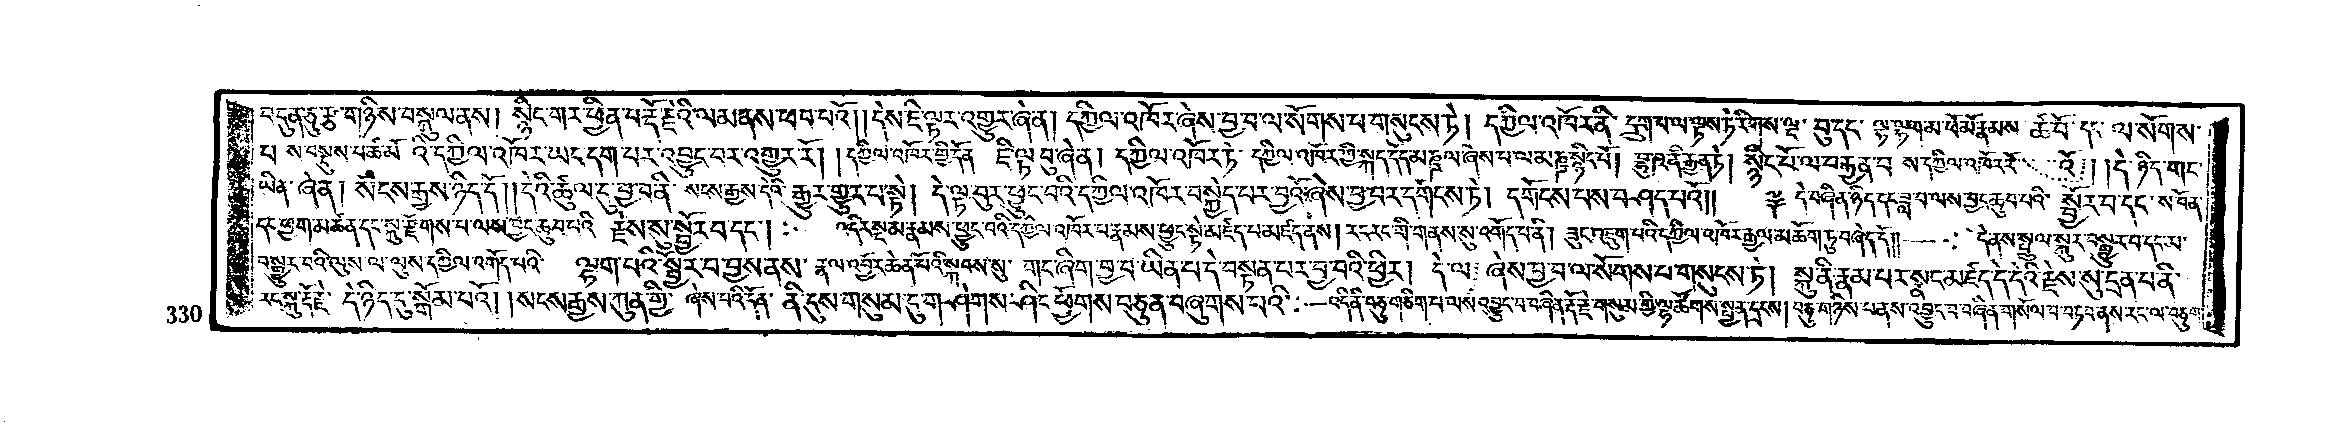བདུན་ཅུ་རྩ་གཉིས་བསྐུལ་ནས། སྙིང་གར་ཕྱིན་པ་རྡོ་རྗེའི་ལམ་ནས་ཕབ་པའོ། །དེས་ཇི་ལྟར་འགྱུར་ཞེ་ན། དཀྱིལ་འཁོར་ཞེས་བྱ་བ་ལ་སོགས་པ་གསུངས་ཏེ། དཀྱིལ་འཁོར་ནི་དྲུག་པ་ལ་ལྟས་ཏེ་རིགས་ལྔ་བུ་དང་ལྷ་ལྷག་མ་ཕོ་མོ་རྣམས་ཚ་བོ་དང་ལ་སོགས་
པས་བསྡུས་པ་ཚ་མོའི་དཀྱིལ་འཁོར་ཡང་དག་པར་འབྱུང་བར་འགྱུར་རོ། ། དཀྱིལ་འཁོར་གྱི་དོན་ཇི་ལྟ་བུ་ཞེ་ན། དཀྱིལ་འཁོར་ཏེ་དཀྱིལ་འཁོར་གྱི་སྐད་དོད་མཎྜལ་ཞེས་པ་ལ་མཎྜལ་སྙིང་པོ། བྷུ་ཥ་ནི་རྒྱན་ཏེ།  སྙིང་པོ་ལ་བརྒྱན་པས་དཀྱིལ་འཁོར་རོ་འོ། །དེ་ཉིད་གང་
ཡིན་ཞེ་ན། སངས་རྒྱས་ཉིད་དོ། །དེའི་ཚུལ་དུ་བྱ་བ་ནི་སངས་རྒྱས་དེའི་རྒྱུར་གྱུར་པ་སྟེ། དེ་ལྟ་བུར་ཕྱུང་བའི་དཀྱིལ་འཁོར་བསྐྱེད་པར་བྱའོ་ཞེས་བྱ་བར་དགོངས་ཏེ། དགོངས་པས་བཤད་པའོ།། ༈ དེ་བཞིན་ཉིད་དང་ཟླ་བ་ལས་བྱང་ཆུབ་པའི་སྦྱོར་བ་དང་ས་བོན་
དང་ཕྱག་མཚན་དང་སྐུ་རྫོགས་པ་ལས་བྱང་ཆུབ་པའི་རྗེས་སུ་སྦྱོར་བ་དང་། H.་འདིར་སྔ་མ་རྣམས་ཕྱུང་བའི་དཀྱིལ་འཁོར་བ་རྣམས་ཕྱུང་སྟེ་མཛད་པ་མཛད་ནས། རང་རང་གི་གནས་སུ་འགོད་པ་ནི། ཟུང་འཇུག་པའི་དཀྱིལ་འཁོར་རྒྱལ་མཆོག་ཏུ་བཞེད་དོ།། .H དེ་ནས་སྤྲུལ་སྐུར་བསྒྱུར་བ་དང་མ་
བསྒྱུར་བའི་ལུས་ལ་ལུས་དཀྱིལ་འགོད་པའི་ལྷག་པའི་སྦྱོར་བ་བྱས་ནས་རྣལ་འབྱོར་ཆེན་པོའི་སྐབས་སུ་གང་ཞིག་བྱ་བ་ཡིན་པ་དེ་བསྟན་པར་བྱ་བའི་ཕྱིར། དེ་ལ་ཞེས་བྱ་བ་ལ་སོགས་པ་གསུངས་ཏེ། སྐུ་ནི་རྣམ་པར་སྣང་མཛད་དེ་དེའི་རྗེས་སུ་དྲན་པ་ནི་
རང་སྐུ་རྡོ་རྗེ་དེ་ཉིད་དུ་སྒོམ་པའོ། །སངས་རྒྱས་ཀུན་གྱི་ཞེས་པའི་དོན་ནི་དུས་གསུམ་དུ་གཤེགས་ཤིང་ཕྱོགས་བཅུ་ན་བཞུགས་པའི་H.་འདི་ནི་བཅུ་གཅིག་པ་ལས་འབྱུང་བ་བཞིན་རྡོ་རྗེ་གསུམ་གྱི་ལྷ་ཚོགས་སྤྱན་དྲངས། བཅུ་གཉིས་པ་ནས་འབྱུང་བ་བཞིན་གསོལ་བ་བཏབ་ནས་རང་ལ་བཅུག་